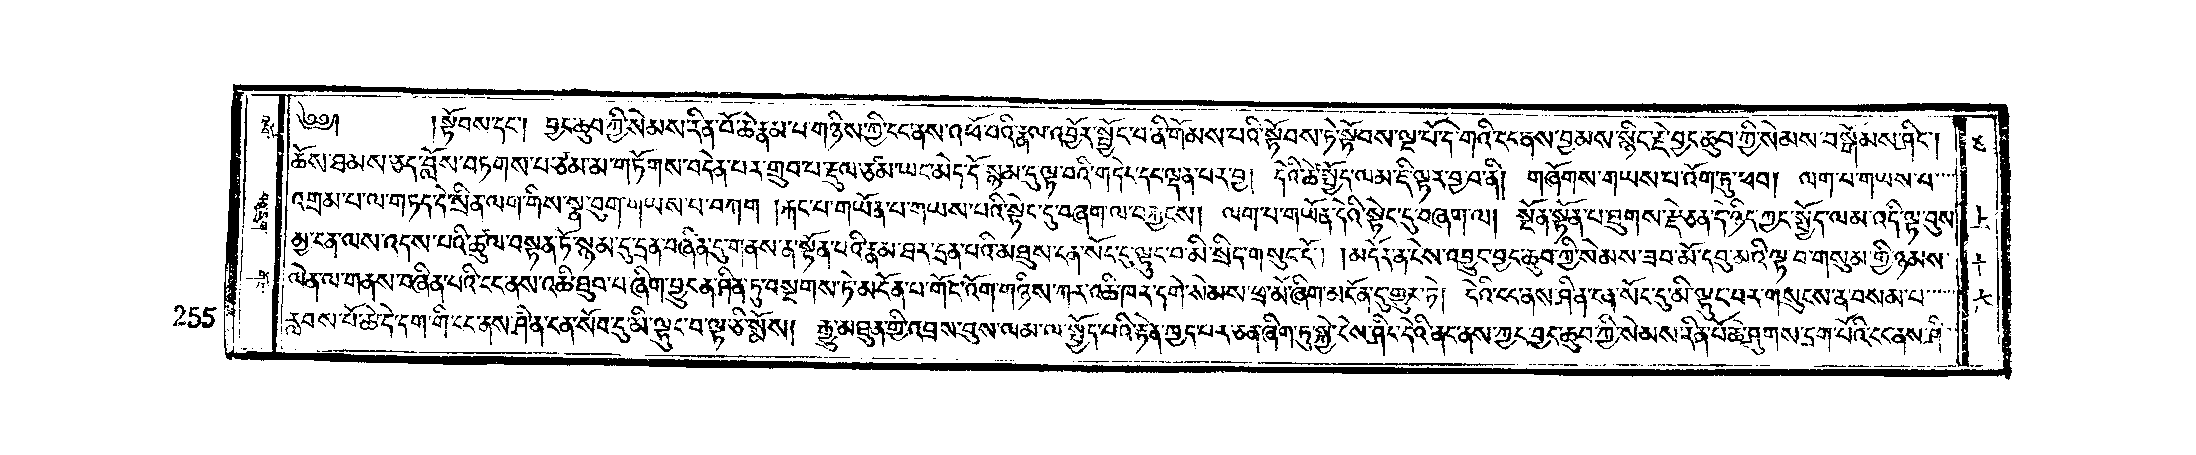༄༅། །སྟོབས་དང་། བྱང་ཆུབ་ཀྱི་སེམས་རིན་པོ་ཆེ་རྣམ་པ་གཉིས་ཀྱི་ངང་ནས་འཕོ་བའི་རྣལ་འབྱོར་སྦྱོང་བ་ནི་གོམས་པའི་སྟོབས་ཏེ་སྟོབས་ལྔ་པོ་དེ་གའི་ངང་ནས་བྱམས་སྙིང་རྗེ་བྱང་ཆུབ་ཀྱི་སེམས་བསྒོམས་ཤིང་།
ཆོས་ཐམས་ཅད་བློས་བཏགས་པ་ཙམ་མ་གཏོགས་བདེན་པར་གྲུབ་པ་རྡུལ་ཙམ་ཡང་མེད་དོ་སྙམ་དུ་ལྟ་བའི་གདེང་དང་ལྡན་པར་བྱ། དེའི་ཚེ་སྤྱོད་ལམ་ཇི་ལྟར་བྱ་བ་ནི། གཞོགས་གཡས་པ་འོག་ཏུ་ཕབ། ལག་པ་གཡས་པ་
འགྲམ་པ་ལ་གཏད་དེ་སྲིན་ལག་གིས་སྣ་བུག་གཡས་པ་བཀག །རྐང་པ་གཡོན་པ་གཡས་པའི་སྟེང་དུ་བཞག་ལ་བརྐྱངས། ལག་པ་གཡོན་དེའི་སྟེང་དུ་བཞག་ལ། སྔོན་སྟོན་པ་ཐུགས་རྗེ་ཅན་དེ་ཉིད་ཀྱང་སྤྱོད་ལམ་འདི་ལྟ་བུས་
མྱ་ངན་ལས་འདས་པའི་ཚུལ་བསྟན་ཏོ་སྙམ་དུ་དྲན་བཞིན་དུ་གནས་ན་སྟོན་པའི་རྣམ་ཐར་དྲན་པའི་མཐུས་ངན་སོང་དུ་ལྟུང་བ་མི་སྲིད་གསུང་ངོ། །མདོར་ན་ངེས་འབྱུང་བྱང་ཆུབ་ཀྱི་སེམས་ཟབ་མོ་དབུ་མའི་ལྟ་བ་གསུམ་གྱི་ཉམས་
ལེན་ལ་གནས་བཞིན་པའི་ངང་ནས་འཆི་ཐུབ་པ་ཞིག་བྱུང་ན་ཤིན་ཏུ་བསྔགས་ཏེ་མངོན་པ་གོང་འོག་གཉིས་ཀར་འཆི་ཁར་དགེ་སེམས་ཕྲ་མོ་ཞིག་མངོན་དུ་གྱུར་ཏེ། དེའི་ངང་ནས་ཤིན་ངན་སོང་དུ་མི་ལྟུང་བར་གསུངས་ན་བསམ་པ་
རླབས་པོ་ཆེ་དེ་དག་གི་ངང་ནས་ཤི་ན་ངན་སོང་དུ་མི་ལྟུང་བ་ལྟ་ཅི་སྨོས། རྒྱུ་མཐུན་གྱི་འབྲས་བུས་ལམ་ལ་སྤྱོད་པའི་རྟེན་ཁྱད་པར་ཅན་ཞིག་ཏུ་སྐྱེ་ངེས་ཤིང་དེའི་ནང་ནས་ཀྱང་བྱང་ཆུབ་ཀྱི་སེམས་རིན་པོ་ཆེ་ཤུགས་དྲག་པོའི་ངང་ནས་ཤི་